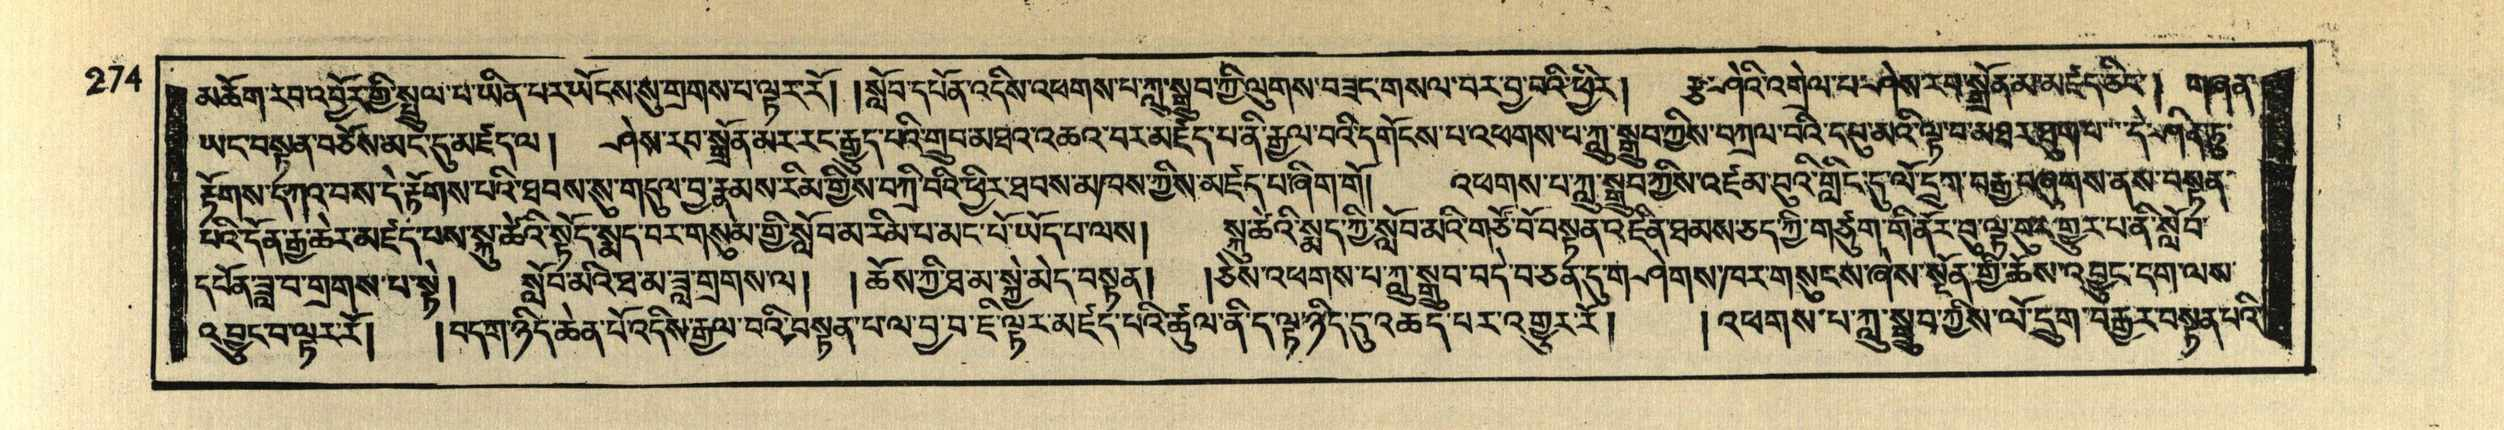མཆོག་རབ་འབྱོར་གྱི་སྤྲུལ་པ་ཡིན་པར་ཡོངས་སུ་གྲགས་པ་ལྟར་རོ། །སློབ་དཔོན་འདིས་འཕགས་པ་ཀླུ་སྒྲུབ་ཀྱི་ལུགས་བཟང་གསལ་བར་བྱ་བའི་ཕྱིར། རྩ་ཤེའི་འགྲེལ་པ་ཤེས་རབ་སྒྲོན་མ་མཛད་ཅིང་། གཞན་
ཡང་བསྟན་བཅོས་མང་དུ་མཛད་ལ། ཤེས་རབ་སྒྲོན་མར་རང་རྒྱུད་པའི་གྲུབ་མཐའ་འཆའ་བར་མཛད་པ་ནི་རྒྱལ་བའི་དགོངས་པ་འཕགས་པ་ཀླུ་སྒྲུབ་ཀྱིས་བཀྲལ་བའི་དབུ་མའི་ལྟ་བ་མཐར་ཐུག་པ་དེ་ཤིན་ཏུ་
རྟོགས་དཀའ་བས་དེ་རྟོགས་པའི་ཐབས་སུ་གདུལ་བྱ་རྣམས་རིམ་གྱིས་བཀྲི་བའི་ཕྱིར་ཐབས་མཁས་ཀྱིས་མཛད་པ་ཞིག་གོ། འཕགས་པ་ཀླུ་སྒྲུབ་ཀྱིས་འཛམ་བུའི་གླིང་དུ་ལོ་དྲུག་བརྒྱ་བཞུགས་ནས་བསྟན་
པའི་དོན་རྒྱ་ཆེར་མཛད་པས་སྐུ་ཚེའི་སྟོད་སྨད་བར་གསུམ་གྱི་སློབ་མ་རིམ་པ་མང་པོ་ཡོད་པ་ལས། སྐུ་ཚེའི་སྨད་ཀྱི་སློབ་མའི་གཙོ་བོ་བསྟན་འཛིན་ཐམས་ཅད་ཀྱི་གཙུག་གི་ནོར་བུ་ལྟ་བུར་གྱུར་པ་ནི་སློབ་
དཔོན་ཟླ་བ་གྲགས་པ་སྟེ། སློབ་མའི་ཐ་མ་ཟླ་གྲགས་ལ། །ཆོས་ཀྱི་ཐ་མ་སྐྱེ་མེད་བསྟན། །ཅེས་འཕགས་པ་ཀླུ་སྒྲུབ་བདེ་བ་ཅན་དུ་གཤེགས་ཁར་གསུངས་ཞེས་སྔོན་གྱི་ཆོས་འབྱུང་དག་ལས་
འབྱུང་བ་ལྟར་རོ། །བདག་ཉིད་ཆེན་པོ་འདིས་རྒྱལ་བའི་བསྟན་པ་ལ་བྱ་བ་ཇི་ལྟར་མཛད་པའི་ཚུལ་ནི་ད་ལྟ་ཉིད་དུ་འཆད་པར་འགྱུར་རོ། །འཕགས་པ་ཀླུ་སྒྲུབ་ཀྱིས་ལོ་དྲུག་བརྒྱར་བསྟན་པའི་